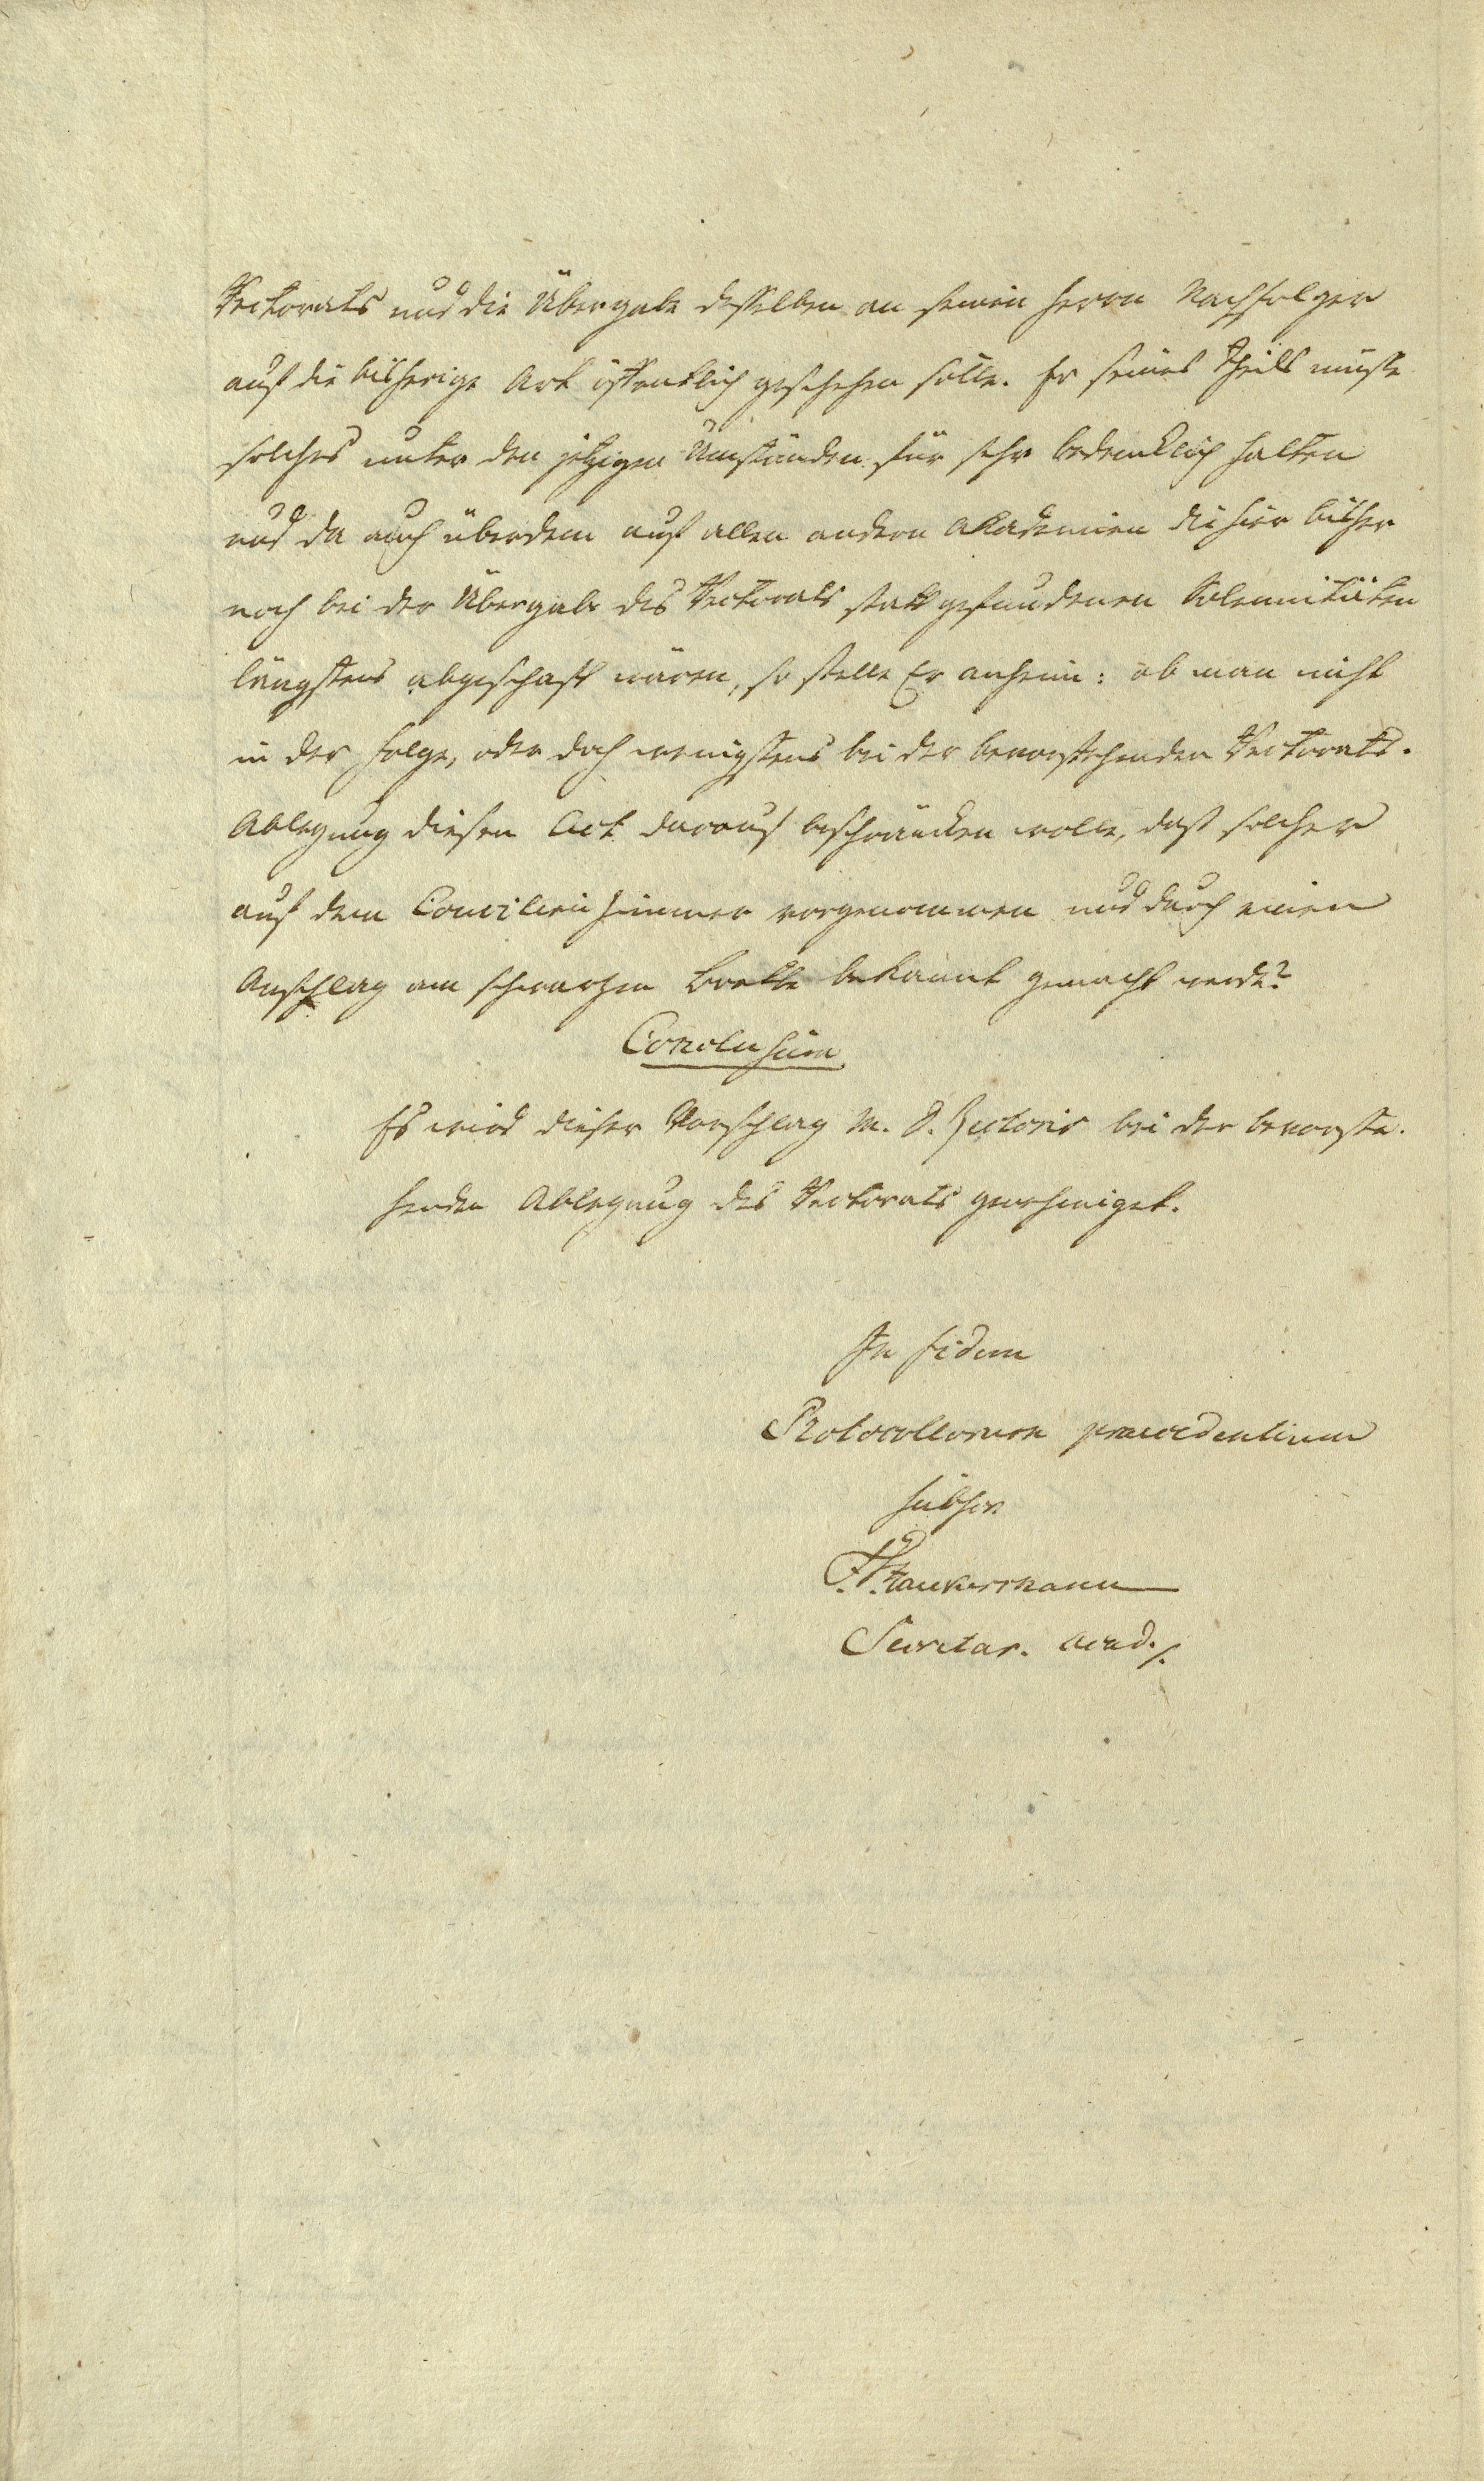Rectorats und die Übergabe desselben an seinen Herrn Nachfolger
auf die bisherige Art öffentlich geschehen solle. Er seines Theils müsse
solches unter den jetzigen Umständen für sehr bedenklich halten
und da auch überdem auf allen andern Akademien die hier bisher
noch bei der Übergabe des Rectorats statt gefundenen Solennitäten
längstens abgeschaft wären, so stelle Er anheim: ob man nicht
in der Folge, oder doch wenigstens bei der bevorstehenden Rectorats¬
Ablegung diesen Act darauf beschränken wolle, daß solcher
auf dem Concilienzimmer vorgenommen und durch einen
Anschlag am schwarzen Brette bekannt gemacht werde?
Conclusum
Es wird dieser Vorschlag M. D. Rectoris bei der bevorste¬
henden Ablegung des Rectorats genehmiget.
In fidem
Protocollorum praecedentium
subscr.
J.G.Haeckermann
Secetar. acad.